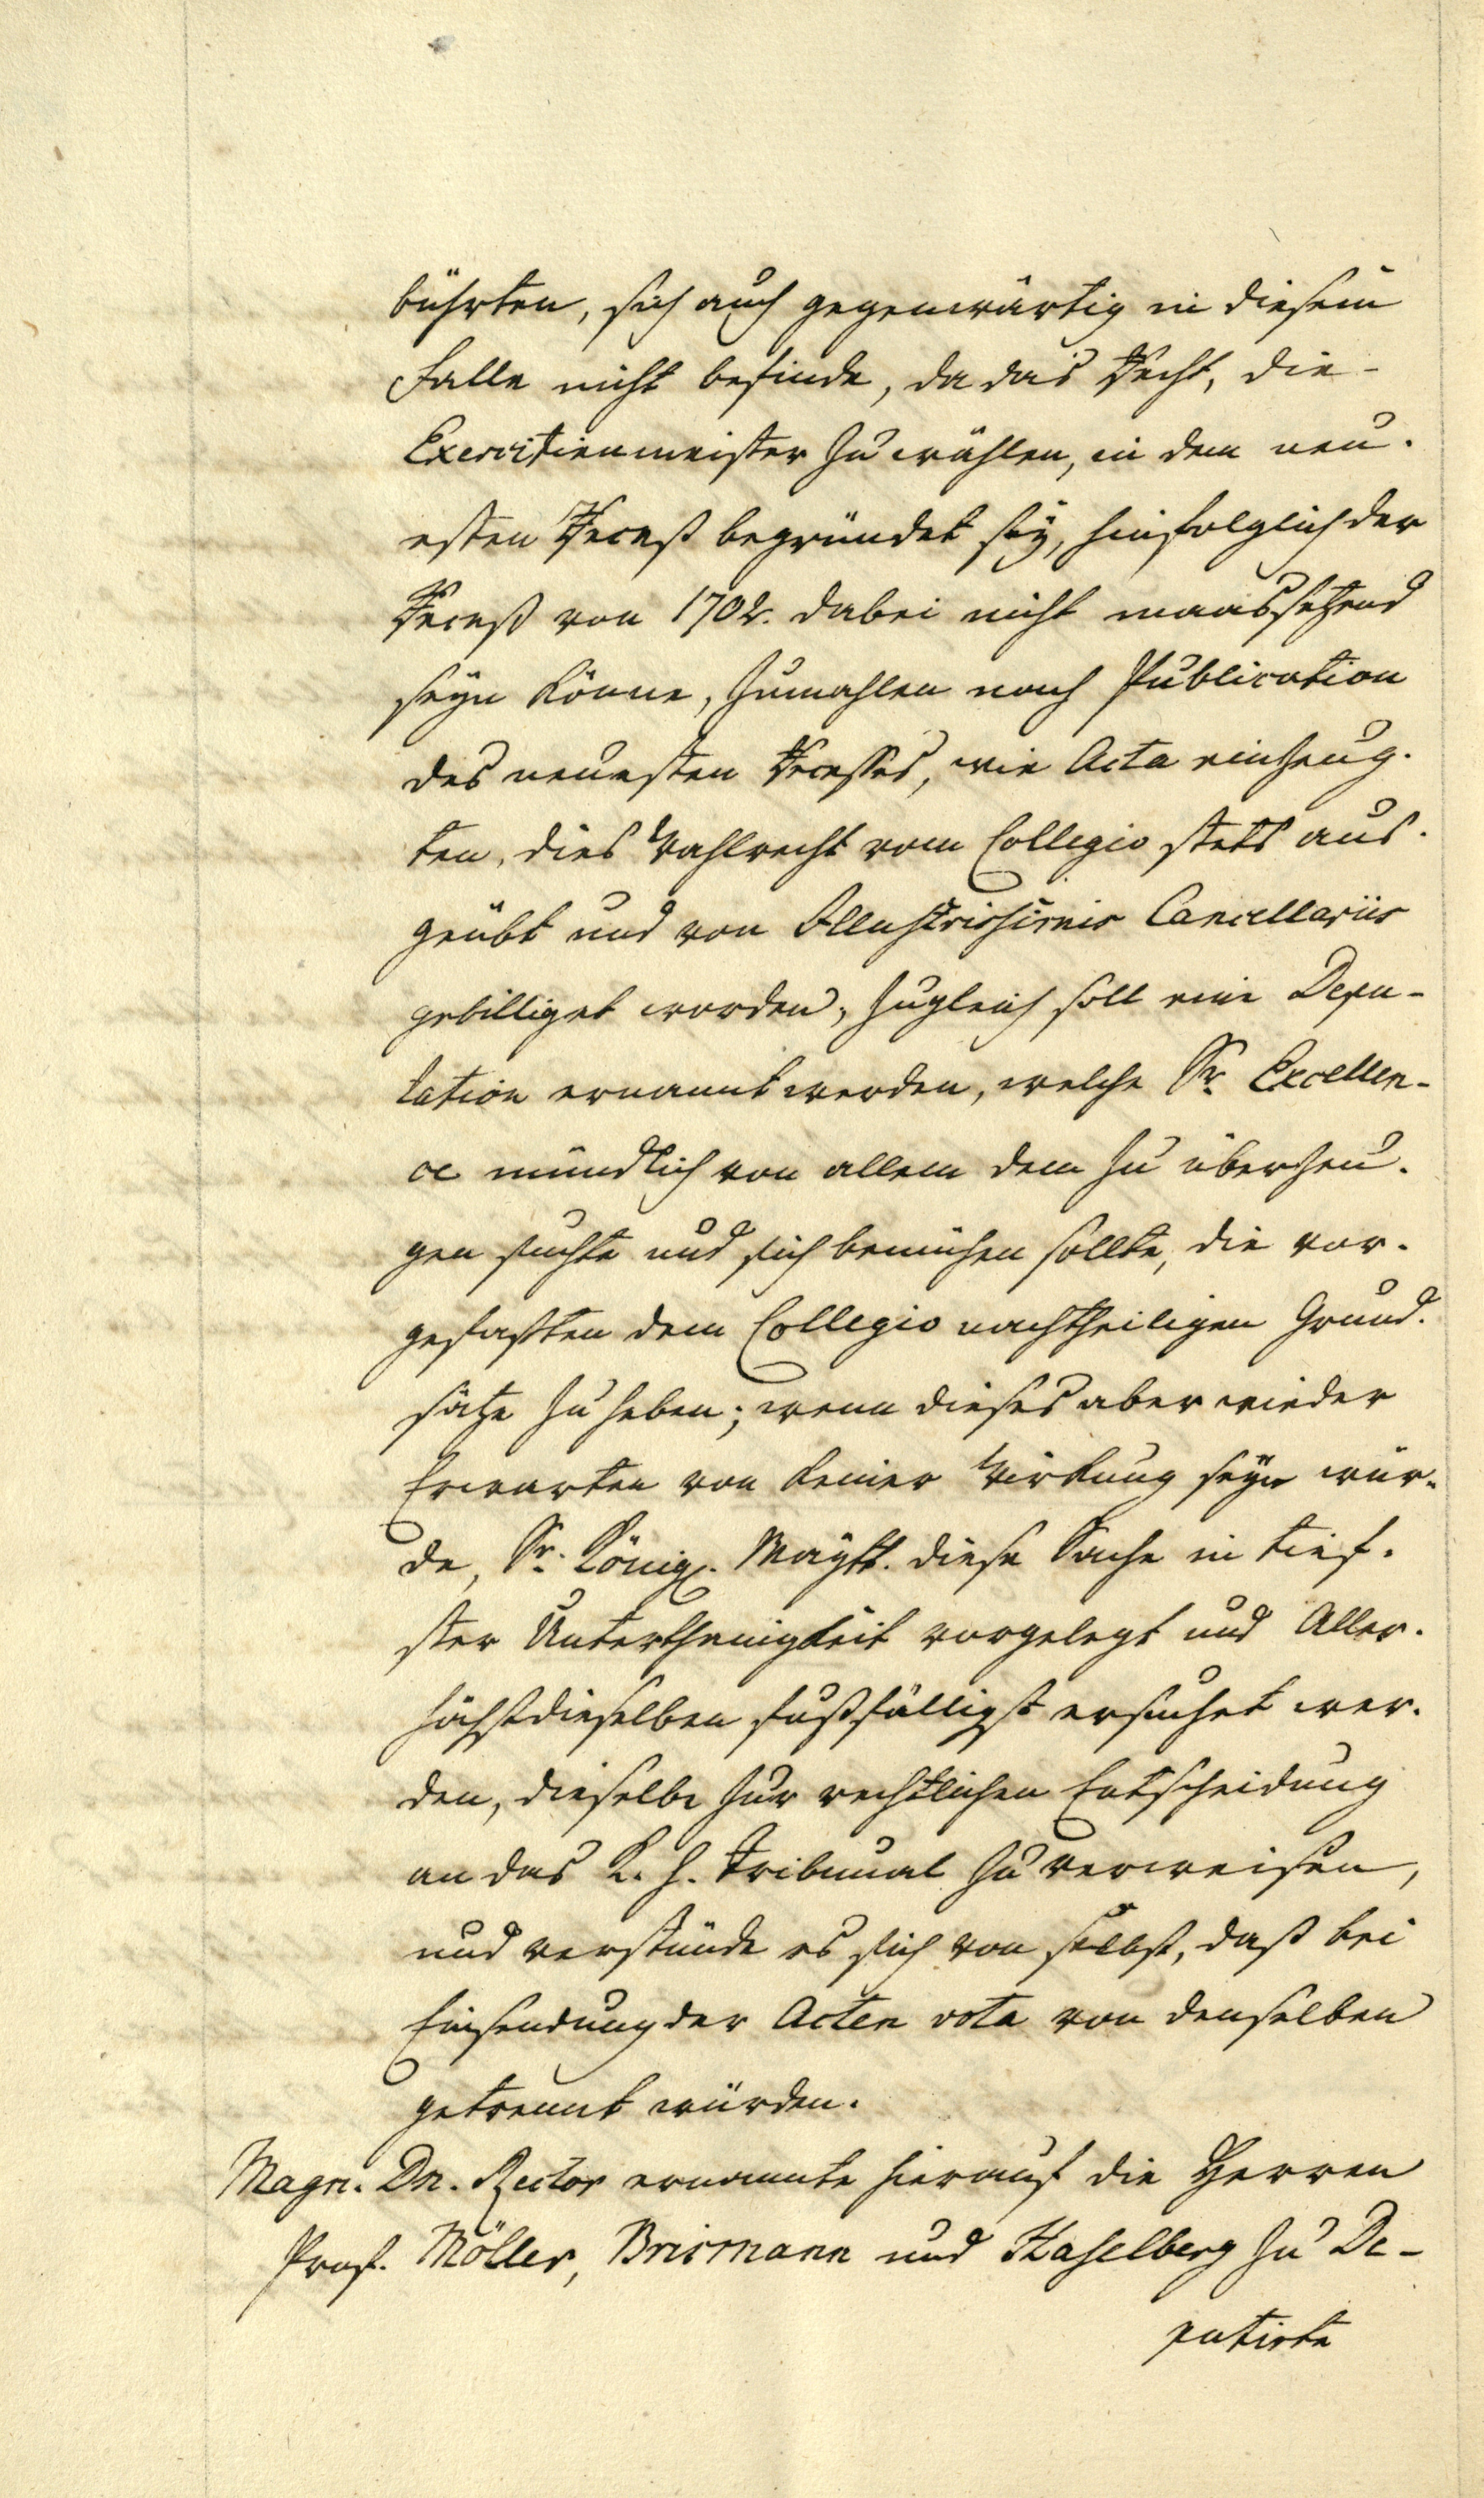bührten, sich auch gegenwärtig in diesem
Falle nicht befinde, da das Recht, die
Exercitienmeister zu wählen, in dem neu¬
esten Receß begründet seÿ, hinfolglich der
Receß von 1702. dabei nicht maassetzend
seÿn könne, zumahlen nach Publication
des neuesten Recesses, wie Acta einzeug¬
ten, dies Wahlrecht vom Collegio stets aus¬
geübt und von Illustrissimis Cancellariis
gebilliget worden, zugleich soll eine Depu¬
tation ernannt werden, welche Sr Excellen¬
ce mündlich von allem dem zu überzeu¬
gen suchte und sich bemühen sollte, die vor¬
gefaßten dem Collegio nachtheiligen Grund¬
sätze zu haben, wenn dieses aber wieder
Erwarten von keiner Wirkung seÿn wür¬
de, Sr. Königl. Maÿtt. diese Sache in tief¬
ster Unterthänigkeit vorgelegt und Aller¬
höchstdieselben fußfälligst ersuchet wer¬
den, dieselbe zur rechtlichen Entscheidung
an das K. H. Tribunal zu verweisen,
und verstünde es sich von selbst, daß bei
Einsendung der Acten vota von denselben
getrennt würden.
Magn. Dn. Rector ernannte hierauf die Herren
Prof. Möller, Brismann und Haselberg zu De¬
putirte